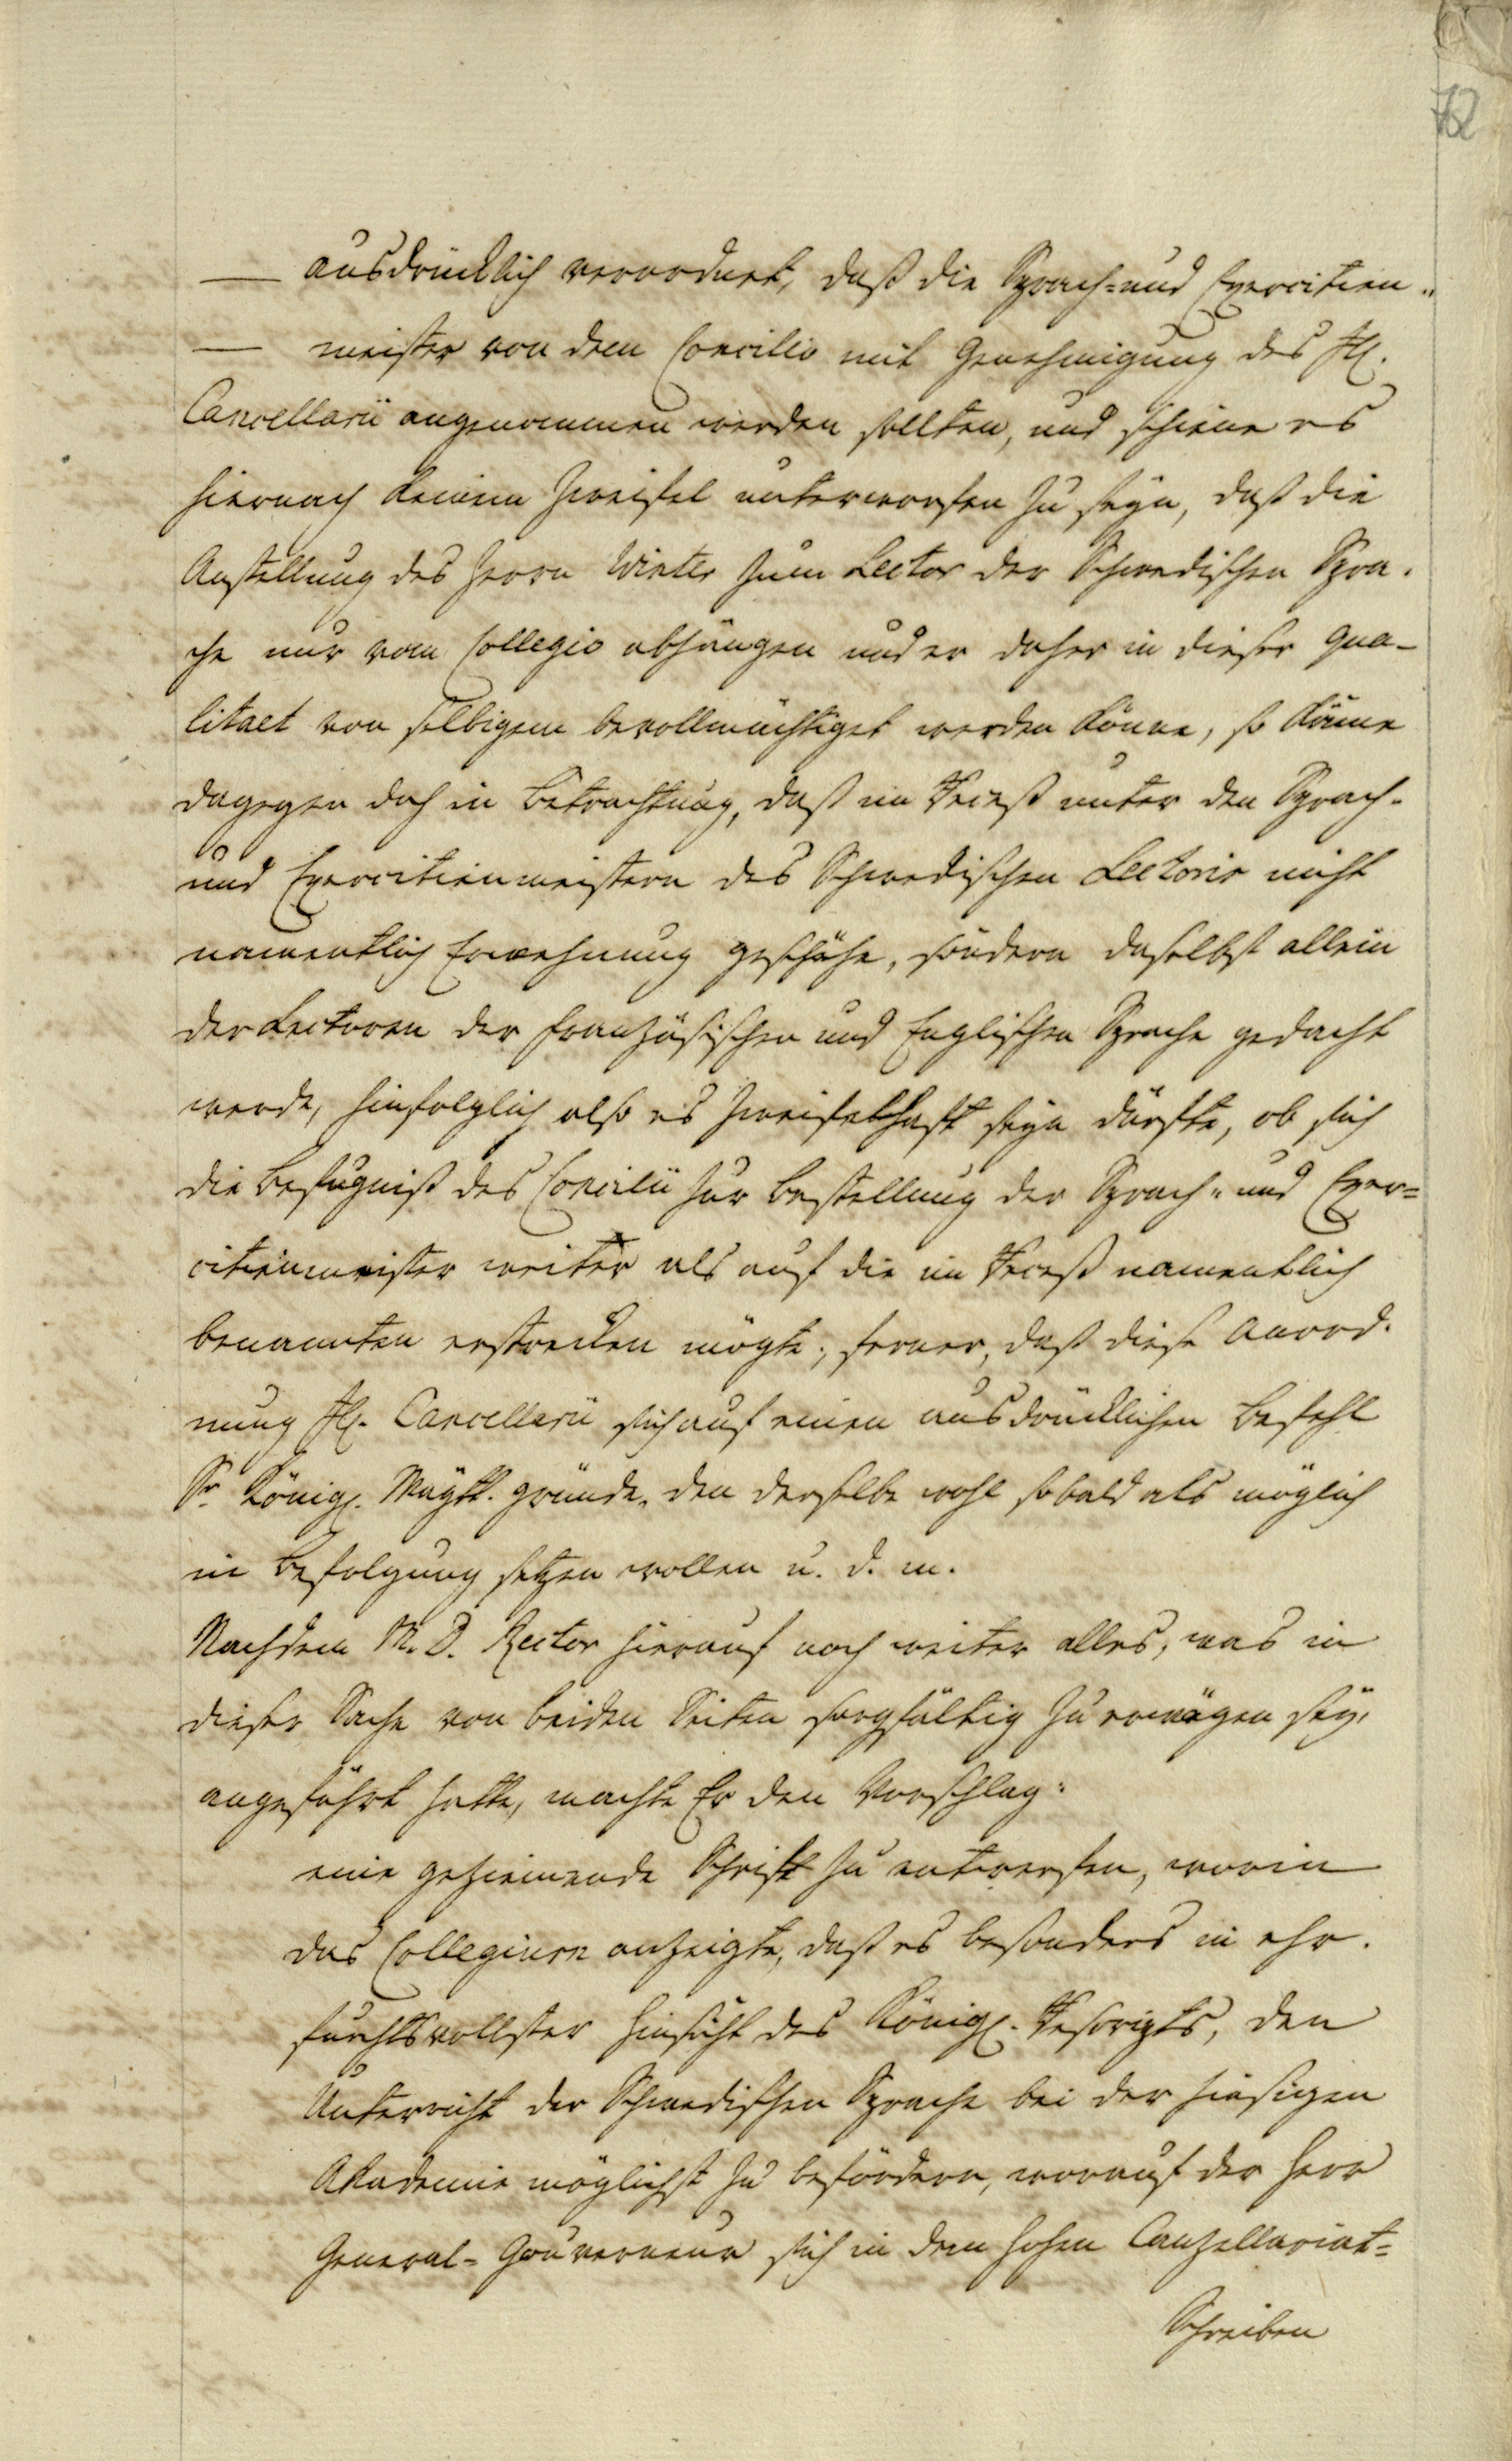ausdrücklich verordnet, daß die Sprach- und Exercitien¬
meister von dem Concilio mit Genehmigung des Ill.
Cancellarii angenommen werden sollten, und schiene es
hiernach keinem Zweifel unterworfen zu seÿn, daß die
Anstellung des Herrn Winter zum Lector der Schwedischen Spra¬
che nur vom Collegio abhängen und er daher in dieser Qua¬
litaet von selbigem bevollmächtiget werden könne, so könne
dagegen doch in Betrachtung, daß im Receß unter den Sprach-
und Exercitienmeistern des Schwedischen Lectoris nicht
namentlich Erwehnung geschähe, sondern daselbst allein
der Lectoren der Französischen und Englischen Sprache gedacht
werde, hinfolglich also es zweifelhaft seÿn dürfte, ob sich
die Befugniß des Concilii zur Bestellung der Sprach- und Exer¬
citienmeister weiter als auf die in Receß namentlich
benannten erstrecken mögte; ferner, daß diese Anord¬
nung Ill. Cancellarii sich auf einen ausdrücklichen Befehl
Sr Königl. Maÿtt. gründe, den derselbe wohl sobald als möglich
in Befolgung setzen wollen u. d. m.
Nachdem M. D. Rector hierauf noch weiter alles, was in
dieser Sache von beiden Seiten sorgfältig zu erwägen seÿ,
angeführt hatte, machte Er den Vorschlag:
eine geziemende Schrift zu entwerfen, worin
das Collegium anzeigte, daß es besonders in ehr¬
furchtsvollster Hinsicht des Königl. Rescripts, den
Unterricht der Schwedischen Sprache bei der hiesigen
Akademie möglichst zu befördern, worauf der Herr
General- Gouverneur sich in dem hohen Canzellariat¬
Schreiben